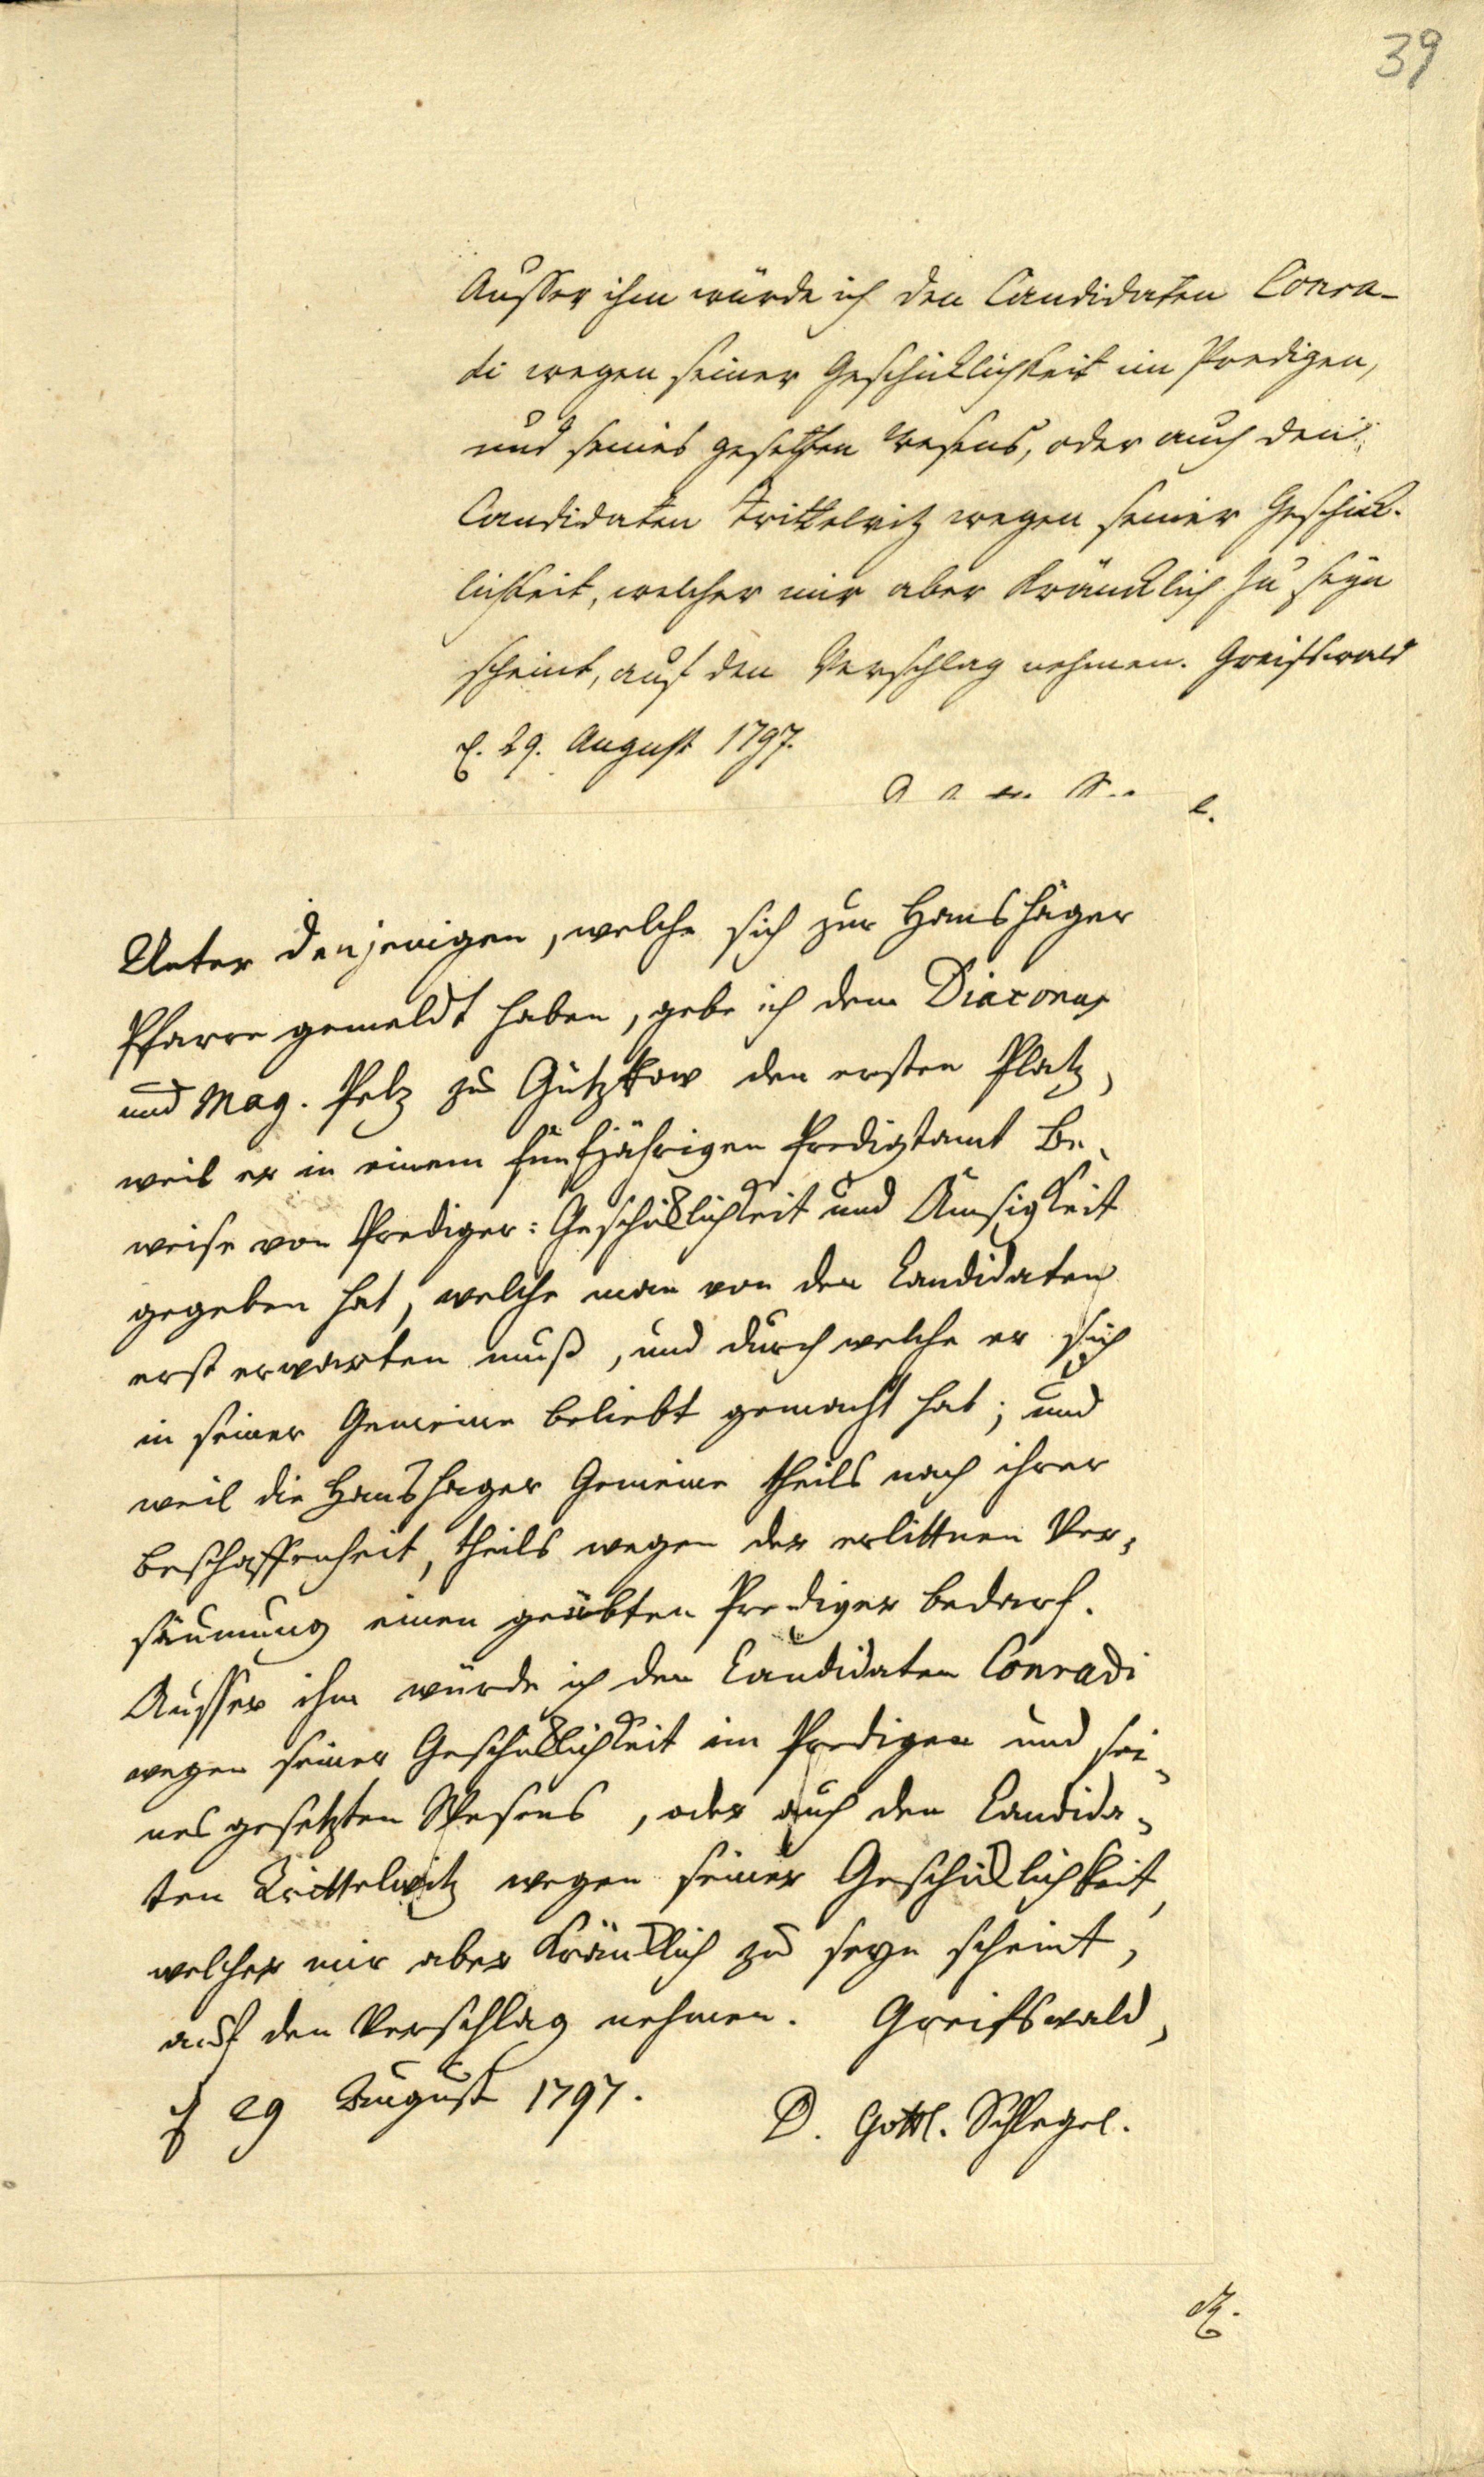Unter denjenigen, welche sich zur Hanshäger
Pfarre gemeldt haben, gebe ich dem Diaconus
und Mag. Pelz zu Gützkow den ersten Platz,
weil er in einem fünfjährigen Predigtamt Be¬
weise von Prediger-Geschicklichkeit und Ämsigkeit
gegeben hat, welche man von den Candidaten
erst erwarten muß, und durch welche er sich
in seiner Gemeine beliebt gemacht hat, und
weil die Hanshager Gemeine theils nach ihrer
Beschaffenheit, theils wegen der erlittnen Ver¬
säumung einen geübten Prediger bedarf.
Ausser ihm würde ich den Candidaten Conradi
wegen seiner Geschicklichkeit im Predigen und sei¬
nes gesetzten Wesens, aber sauch den Candida¬
ten Trittelwitz wegen seiner Geschicklichkeit,
welcher mir aber käncklich zu seyn scheint,
auf den Vorschlag nehmen. Greifswald,
d 29 August 1797. D. Gottl. Schlegel.